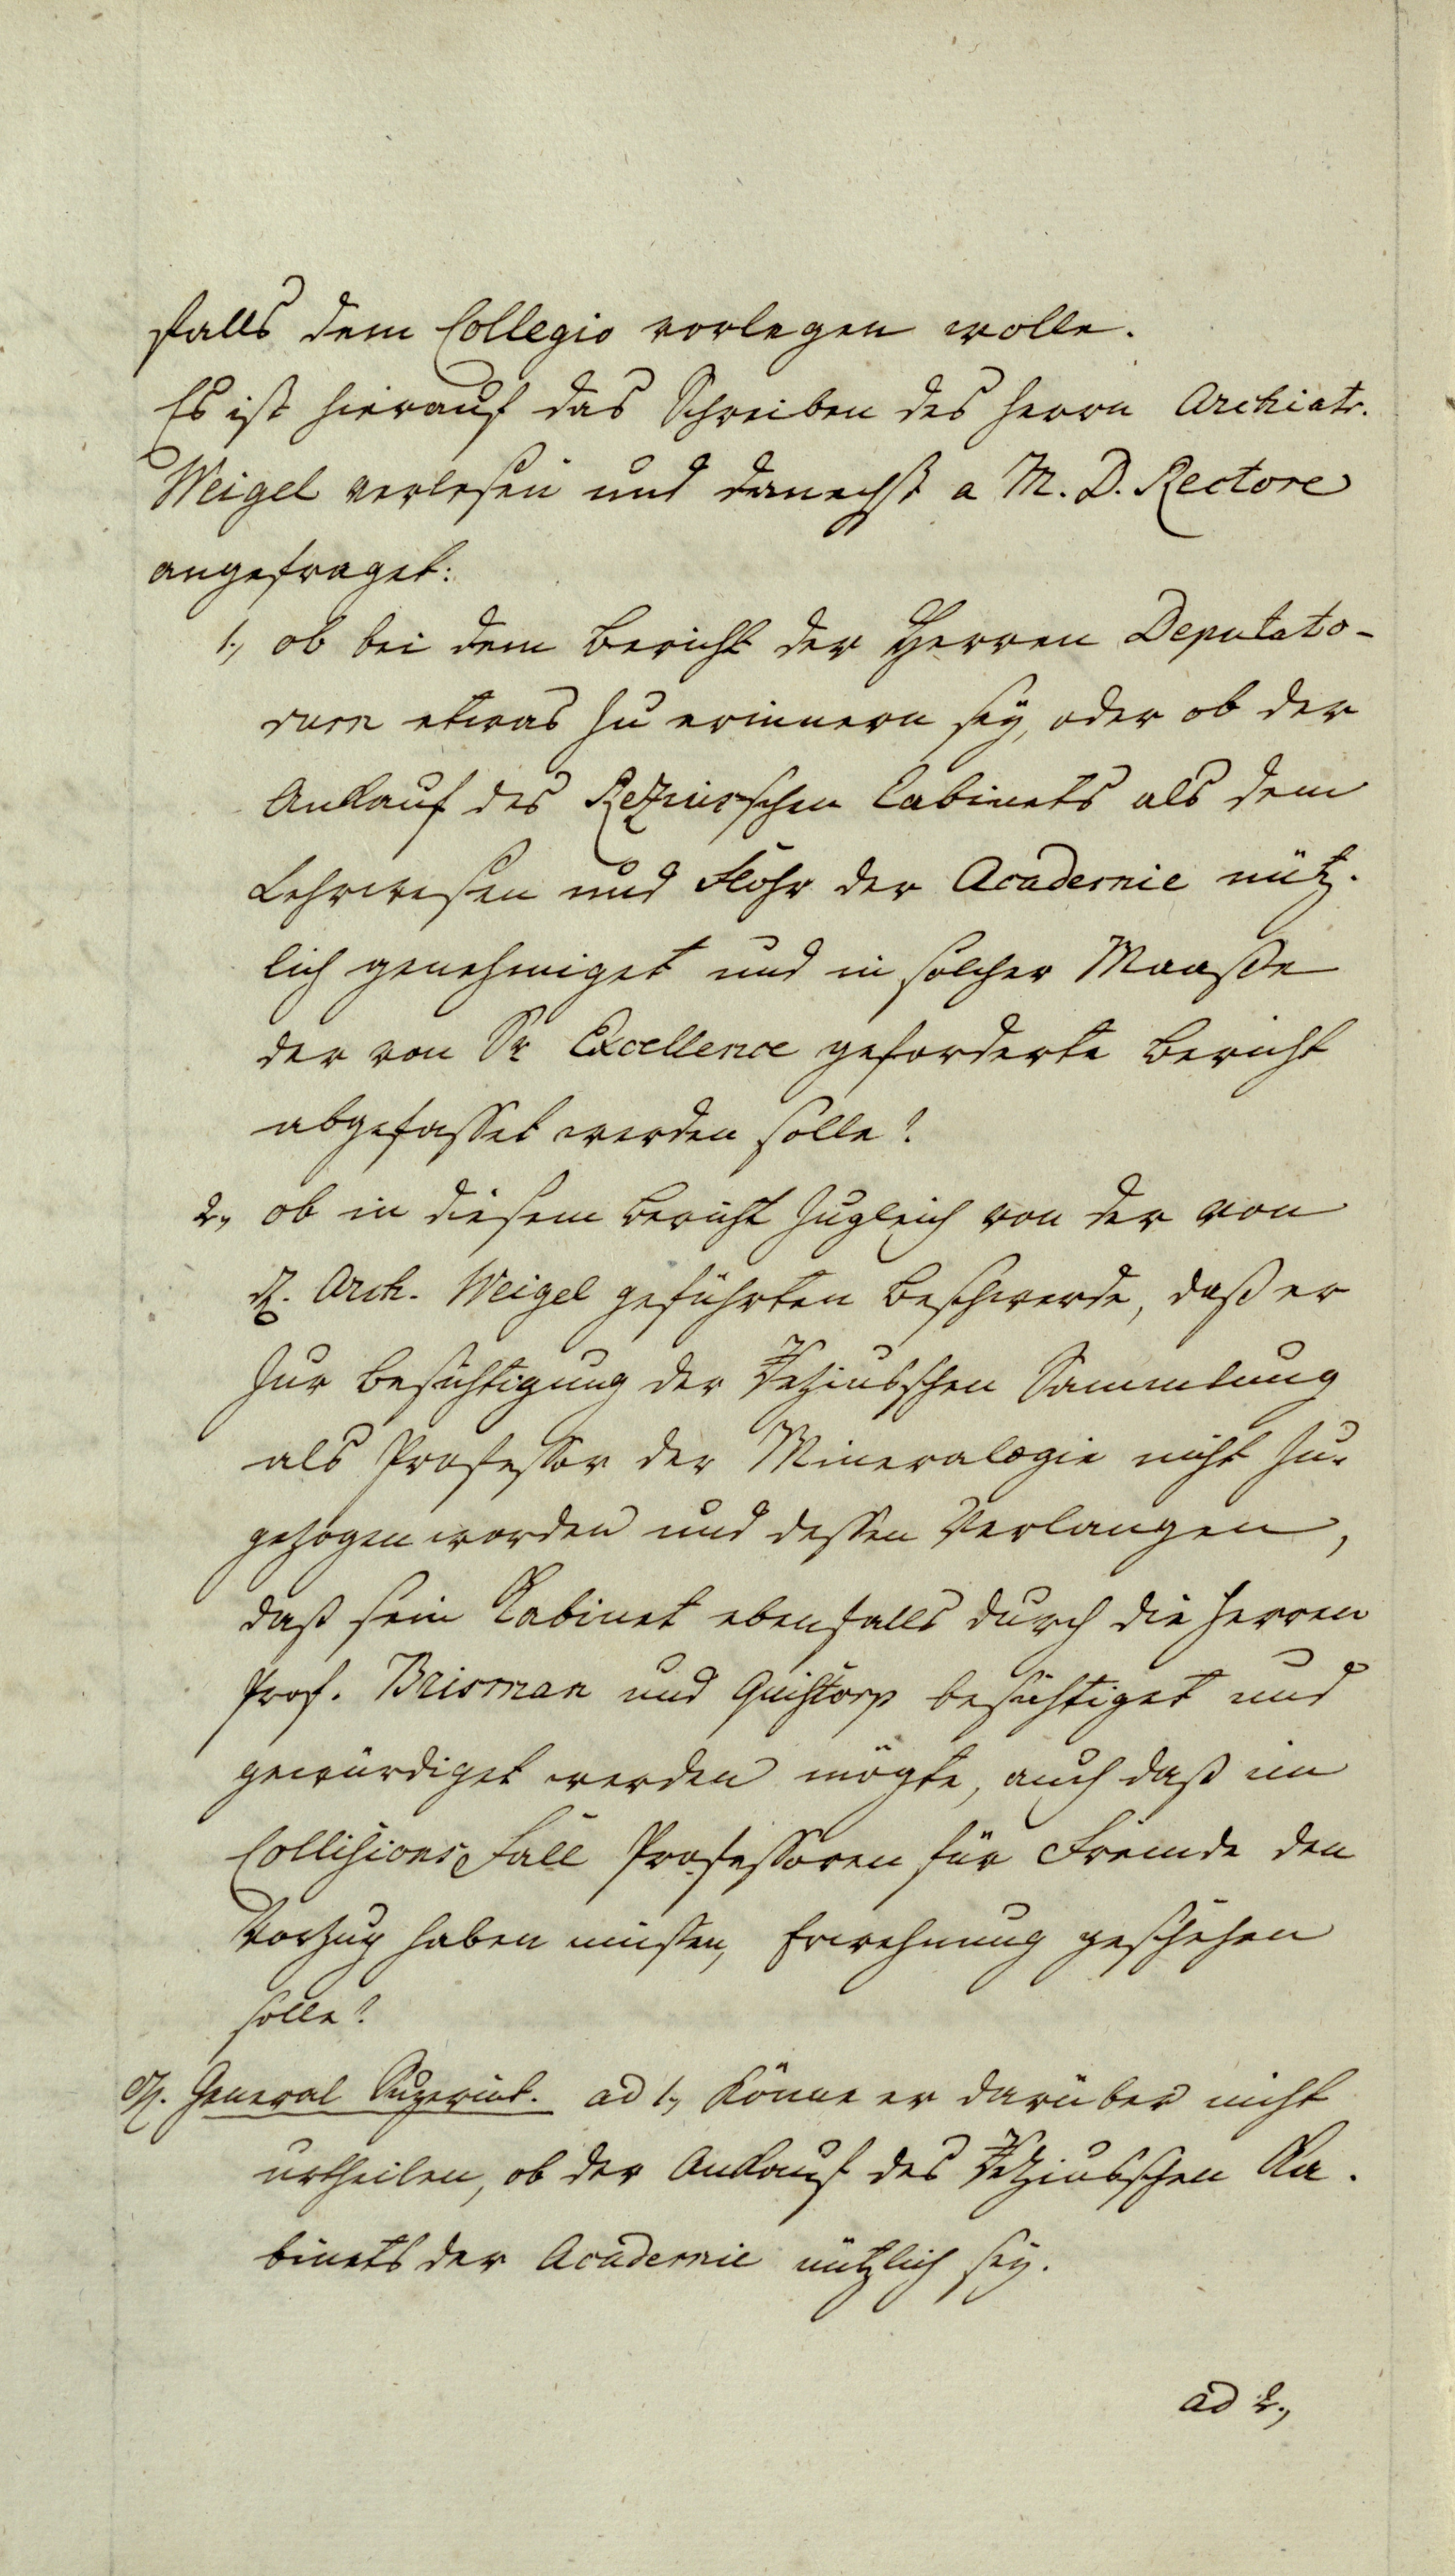falls dem Collegio vorlegen wolle.
Es ist hierauf das Schreiben des Herrn Archiat.
Weigel verlesen und danechst a M. D. Rectore
angefraget:
1., ob bei dem Bericht der Herren Deputato-
um etwas zu erinnern seÿ, oder ob der
Ankauf des Reziusschen Cabinets als dem
Lehrwesen und Flohr der Academie nütz¬
lich genehmiget und in solcher Maaße
der von Sr Excellence geforderte Bericht
abgefasset werden solle?
2., ob in diesem Bericht zugleich von der von
dh. Arch. Weigel geführten Beschwerde, daß er
zur Besichtigung der Reziusschen Sammlung
als Professor der Mineralogie nicht zu¬
gezogen worden und dessen Verlangen,
daß sein Kabinet ebenfalls durch die Herren
Prof. Brisman und Quistorp besichtiget und
gewürdiget werden mögte, auch daß im
Collisions Fall Professoren für Fremde den
Vorzug haben müßten, Erwehnung geschehen
solle.
dh. General Superint. ad 1., könne er darüber nicht
urtheilen, ob der Ankauf des Reziusschen Ka¬
binets der Academie nützlich seÿ.
ad 2.,